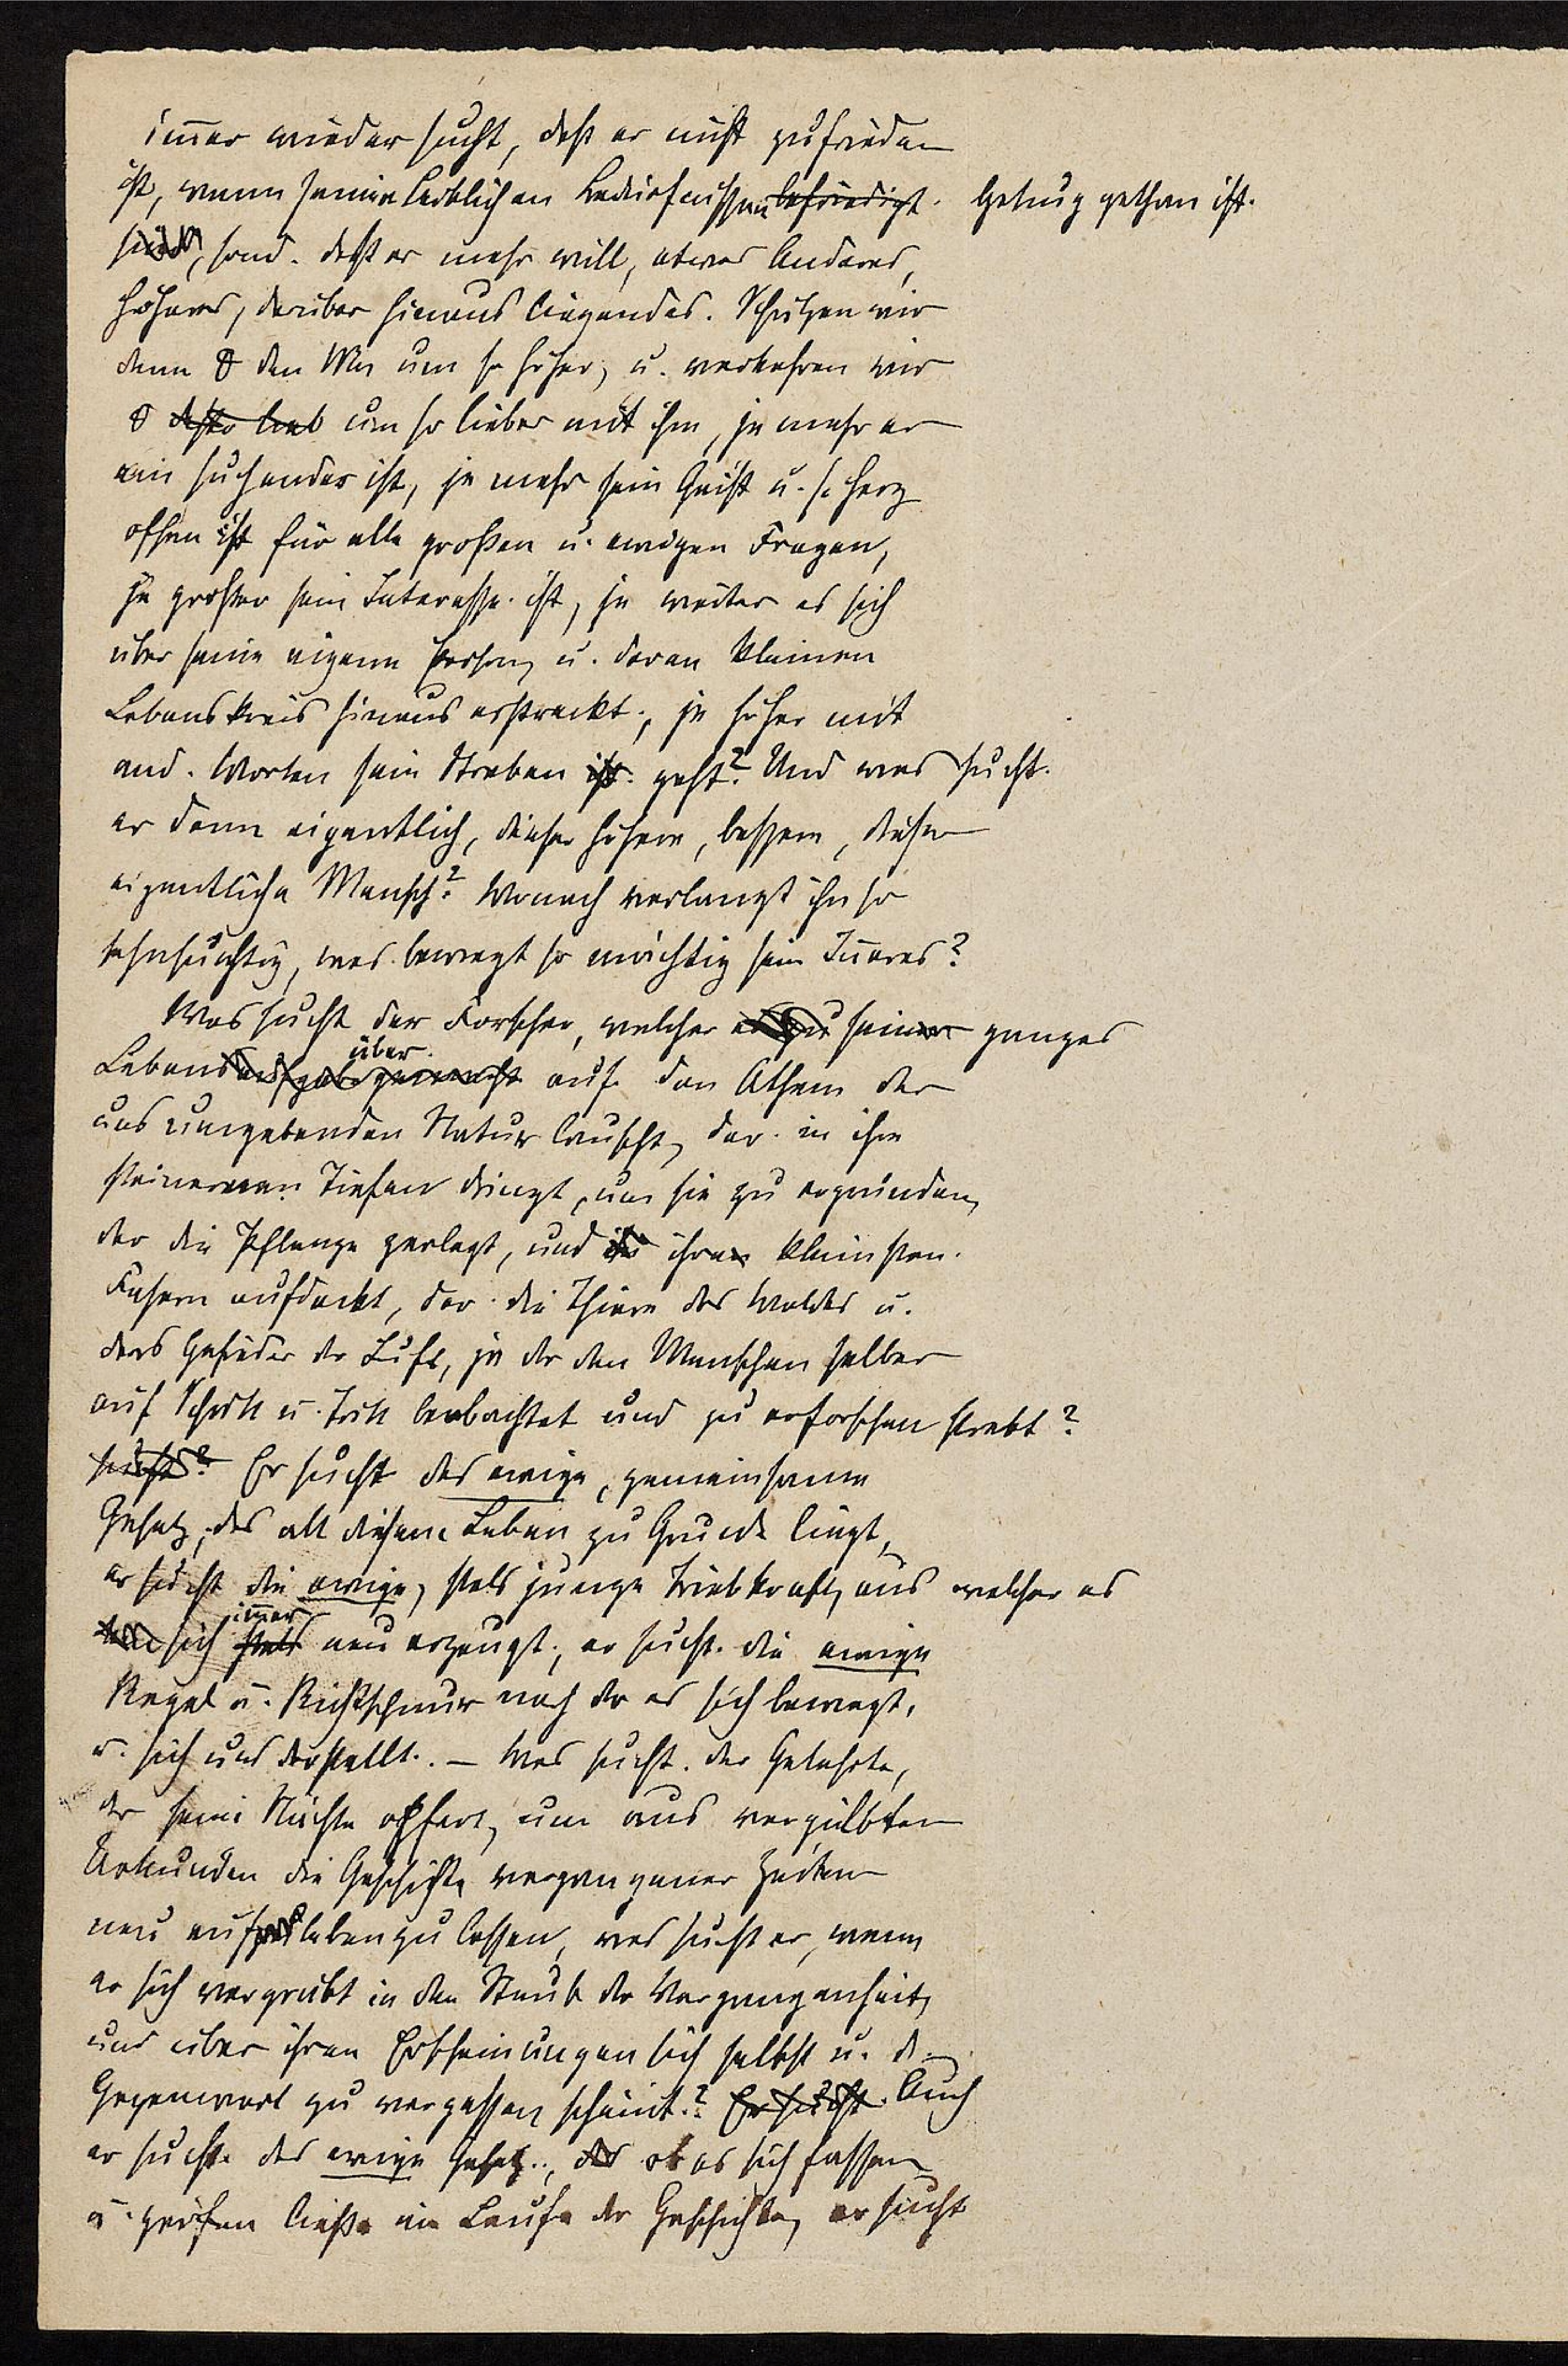imer wieder sucht, daß er nicht zufrieden
ist, wenn seine leiblichen Bedürfnissen befriedigt
Gesug gethan ist
sind, sond. daß er mehr will, etwas Anderes,
Höheres, darüber hinaus liegendes. Schätzen wir
denn o den Mn um so höher, u. verkehren wir
o desto lieb um so lieber mit ihm, je mehr er
ein suchender ist, je mehr sein Geist u. s. Herz
offen ist für alle großen u. ewigen Fragen
je größer sein Interesse. ist, je weiter es sich
über seine eigene Person, u. deren kleinen
Lebenskreis hinaus erstreckt, je höher mit
and. Worten sein Streben ist geht? Und was sucht.
er denn eigentlich, dieser höhere, bessere, dieser
eigentliche Mensch? Wonach verlangt ihn so
sehnsüchtig, was bewegt so möchtig sein Ineres?
Was sucht der Forscher, welcher es zu seineer ganzes
über
Lebensaufgabe gemacht auf den Athem der
uns umgebenden Natur lauscht, der in ihre
steinernen Tiefen dringt, um sie zu ergründen,
der die Pflanze zerlegt, und in ihre kleinsten
Fasern aufdeckt, der die Thiere des Waldes u.
das Gefieder der Luft, ja dr den Menschen selber
auf Schritt u Tritt beobachtet und zu erforschen strebt?
such? Er sucht das ewige, gemeinsame
Gesetz; das all diesem Leben zu Grunde liegt,
er sucht die ewige, stets junge Triebkraft, aus
welcher es
imer
den sich stets neu erzeugt, er sucht die ewige
Regel u. Richtschnur nach dr es sich bewegt,
u sich uns darstellt. _ Was sucht der Gelehrte,
der seine Nächte opfert, um aus vergilbten
Urkunden die Geschichte vergangener Zeiten
neu aufzuleben zu lassen, was sucht er, wenn
er sich vergräbt in dem Staub der Vergangenheit,
und über ihren Erscheinungen sich selbst u. d.
Gegenwart zu vergessen scheint? Er sucht. Auch
er sucht das ewige Gesetz.., das or es sich fassen
u. ziehen ließe im Laufe der Geschichte, er sucht